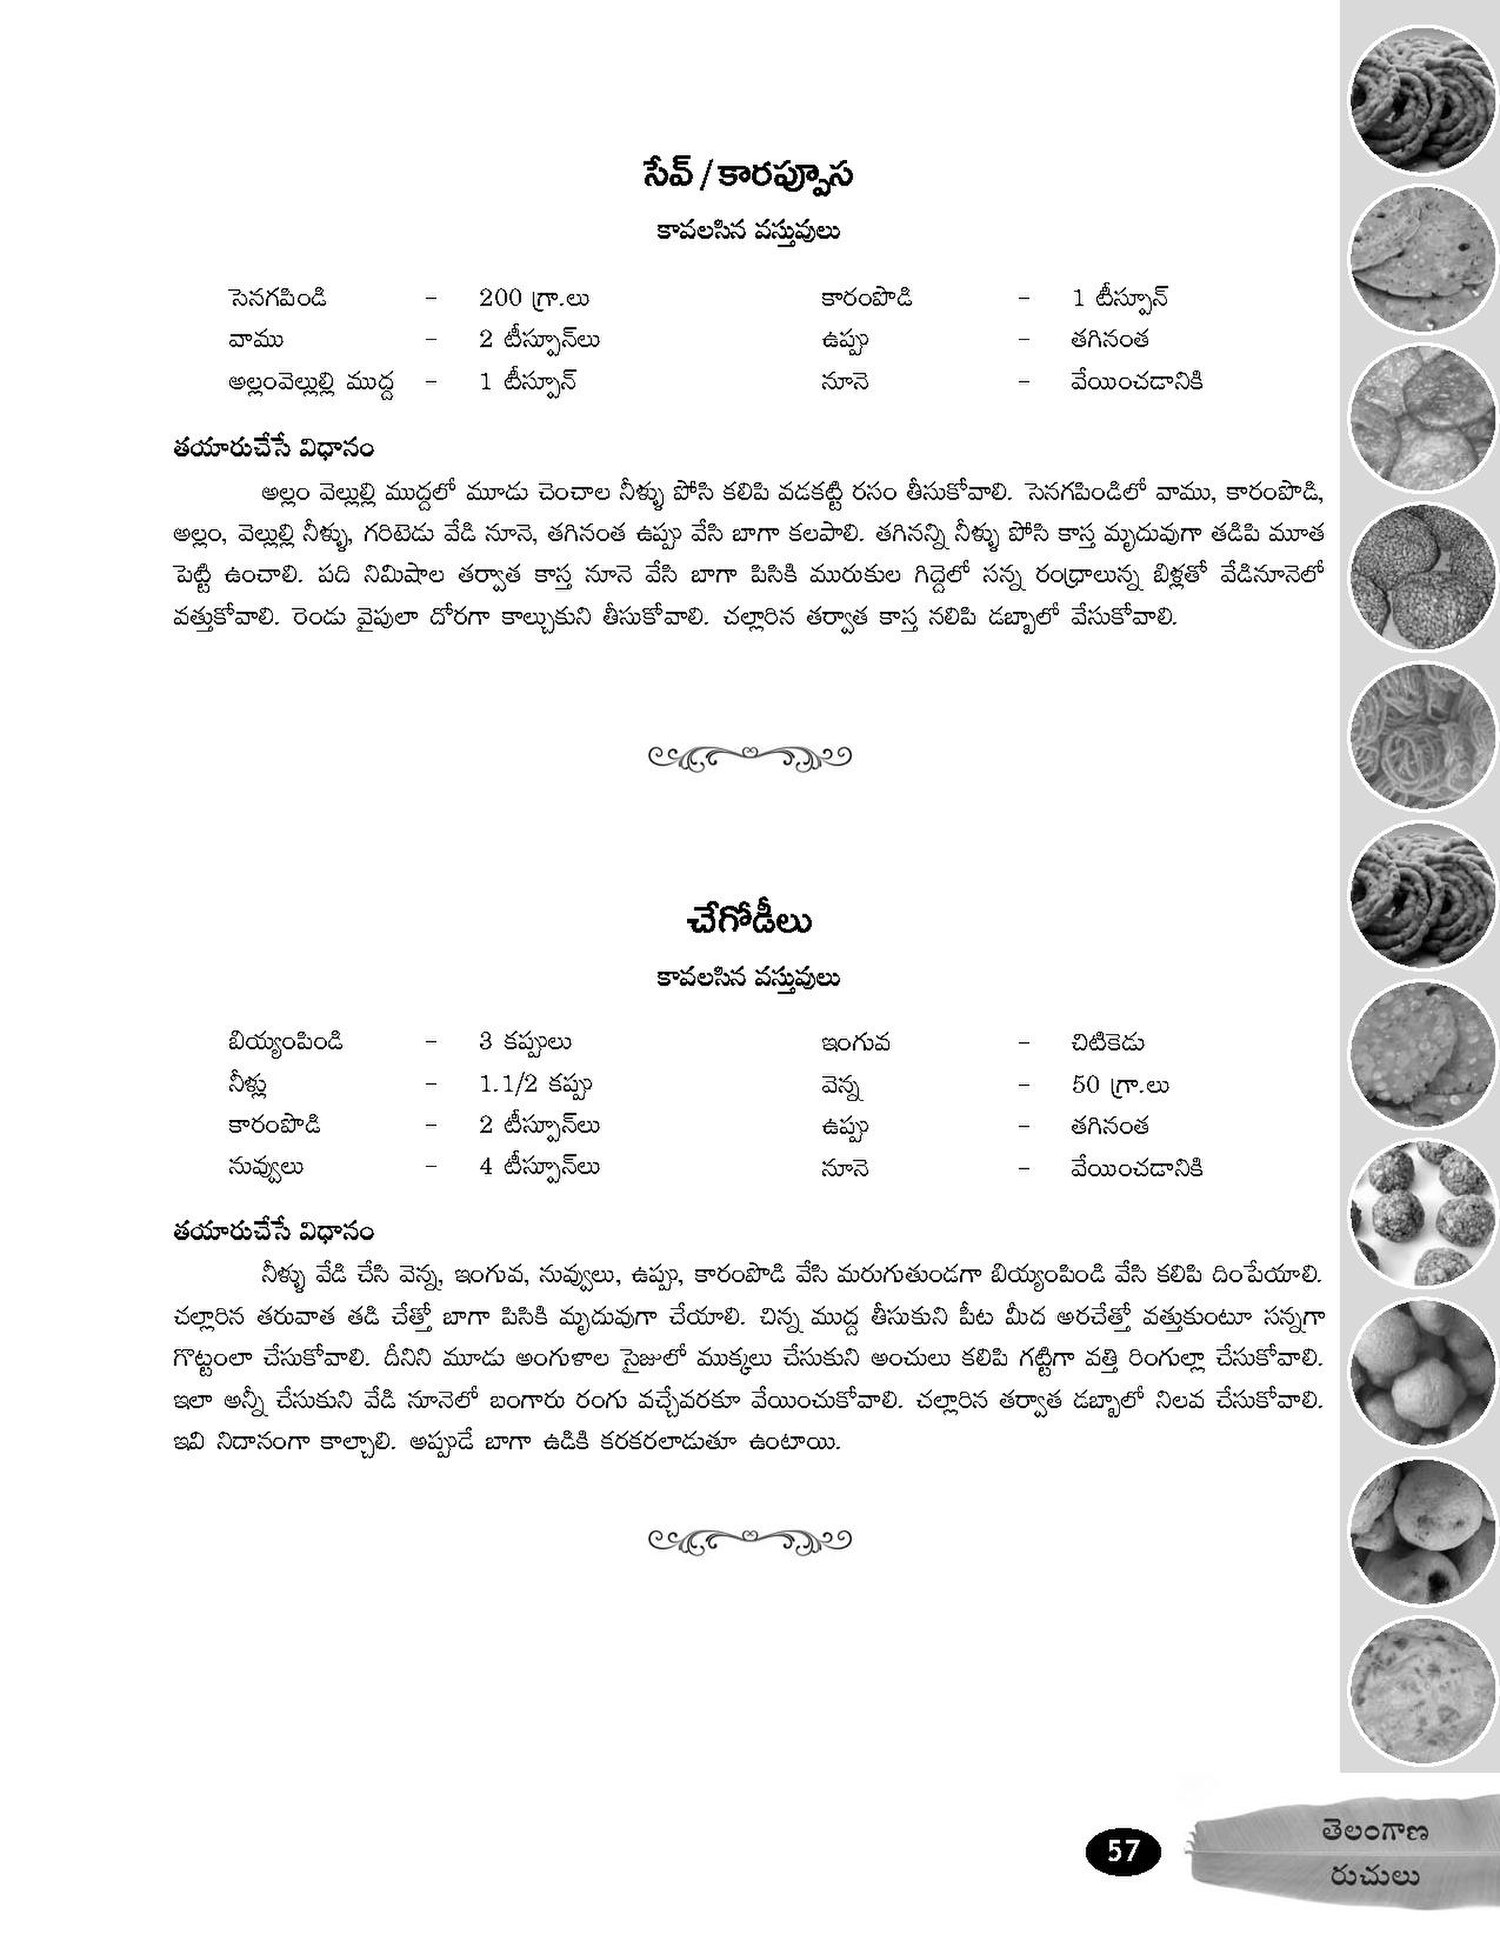+ కావలసిన వస్తువులు సెనగ పిండి 200 గ్రా.లు. కారం పొడి 1 టీస్పూన్ అల్లం వెల్లుల్లి ముద్ద 1 టీ స్పూన్ వాము 2 టీస్పూన్ లు ఉప్పు తగినంత నూనె వేయించడానికి

తయారుచేసే విధానం 

అల్లం వెల్లుల్లి ముద్దలో మూడు చెంచాల నీళ్ళు పోసి కలిపి వడకట్టి రసం తీసుకోవాలి. సెనగపిండిలో వాము, కారం పొడి, అల్లం, వెల్లుల్లి, నీళ్ళు, గరిటెడు వేడి నూనె, తగినంత ఉప్పు వేసి బాగా కలపాలి. తగినన్ని నీళ్ళు పోసి కాస్త మృదువుగా తడిపి మూత పెట్టి ఉంచాలి. పది నిమిషాల తర్వాత కాస్త నూనె వేసి బాగా పిసికి మురుకుల గిద్దెలో సన్న రంధ్రాలున్న బిళ్లతో వేడినూనెలో వత్తుకోవాలి. రెండు వైపులా దోరగా కాల్చుకుని తీసుకోవాలి. చల్లారిన తర్వాత కాస్త నలిపి డబ్బాలో వేసుకోవాలి.

+ కావలసిన వస్తువులు బియ్యం పిండి 3 కప్పులు. వెన్న 50 గ్రా.లు. ఇంగువ చిటికెడు నీళ్ళు 1½ కప్పు కారంపొడి 2 టీస్పూన్లు నువ్వులు 4 టీస్పూన్లు ఉప్పు తగినంత నూనె వేయించడానికి

తయారుచేసే విధానం 

నీళ్ళు వేడి చేసి వెన్న, ఇంగువ, నువ్వులు, ఉప్పు, కారంపొడి వేసి మరుగుతుండగా బియ్యంపిండి వేసి కలిపి దింపేయాలి. చల్లారిన తరువాత తడి చేత్తో బాగా పిసికి మృదువుగా చేయాలి. చిన్న ముద్ద తీసుకుని పీట మీద అరచేత్తో వత్తుకుంటూ సన్నగా గొట్టంలా చేసుకోవాలి. దీనిని మూడు అంగుళాల సైజులో ముక్కలు చేసుకుని అంచులు కలిపి గట్టిగా వత్తి రింగుల్లా చేసుకోవాలి. ఇలా అన్నీ చేసుకుని వేడి నూనెలో బంగారు రంగు వచ్చేవరకూ వేయించుకోవాలి. చల్లారిన తర్వాత డబ్బాలో నిలవ చేసుకోవాలి.ఇవి నిదానంగా కాల్చాలి. అప్పుడే బాగా ఉడికి కరకరలాడుతూ ఉంటాయి.
తెలంగాణ రుచులు